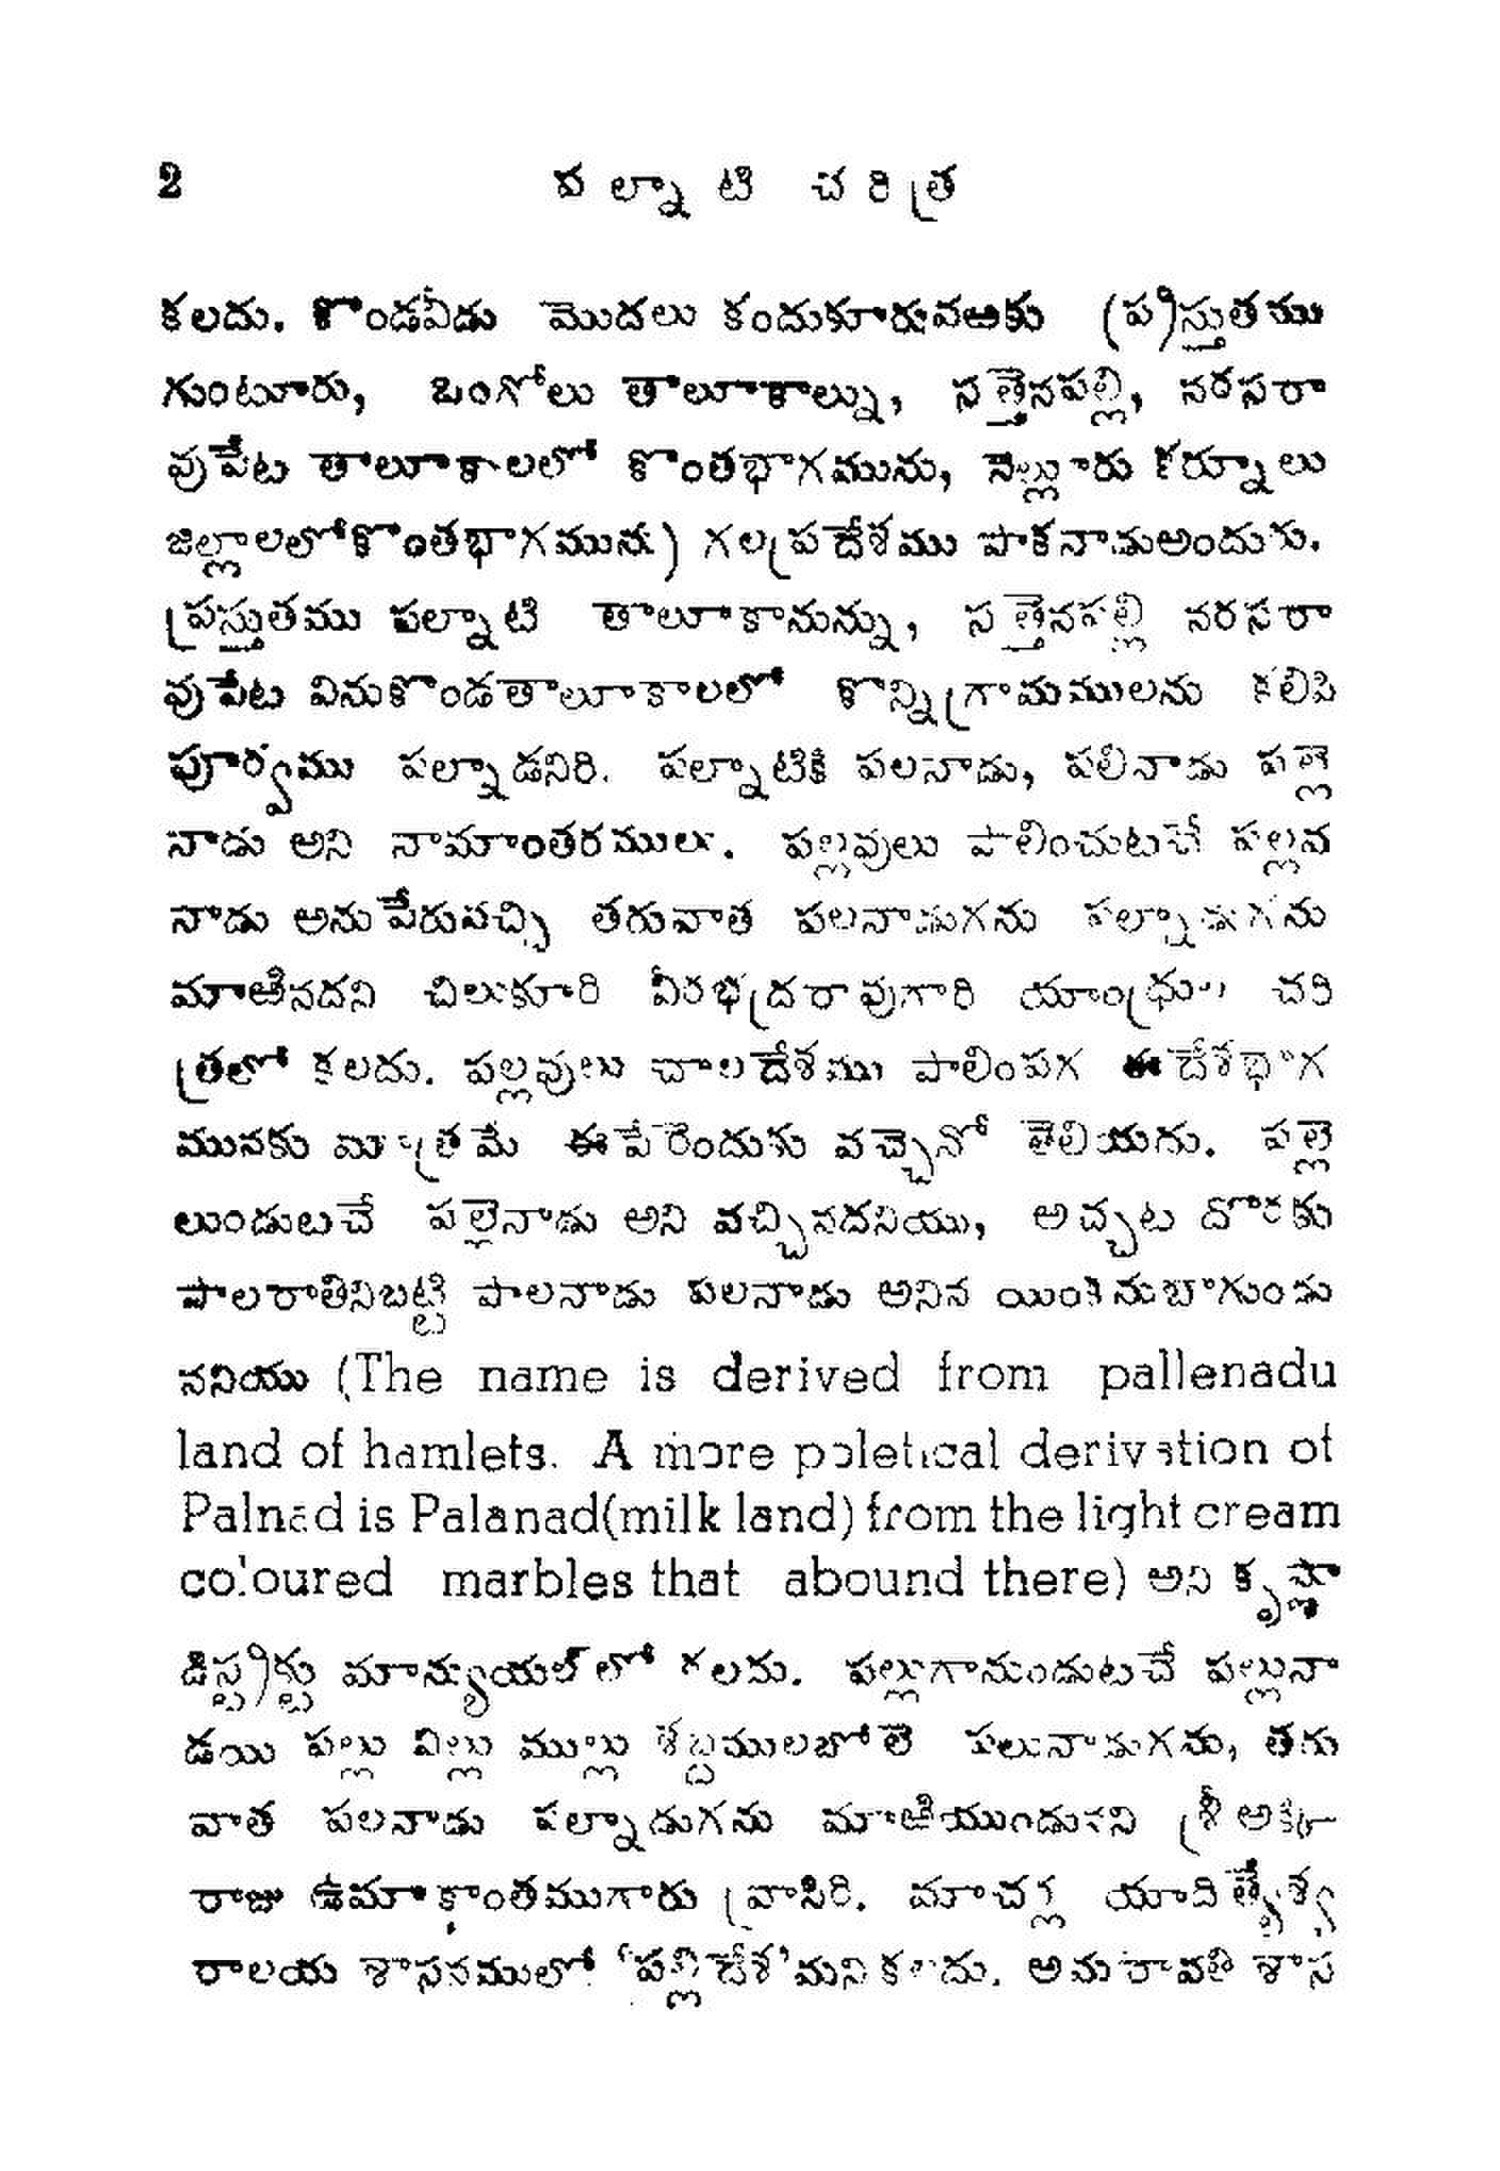కలదు. కొండవీడు మొదలు కందుకూరువఱకు (ప్రస్తుతము
గుంటూరు, ఒంగోలు తాలూకాల్ను, సత్తెనపల్లి, నరసరావుపేట 
తాలూకాలలో కొంతభాగమును, నెల్లూరు కర్నూలు
జిల్లాలలో కొంతభాగమున) గల ప్రదేశము పాకనాడు అందురు 
ప్రస్తుతము పల్నాటి తాలూకానున్ను, సత్తెనపల్లి నరసరావుపేట 
వినుకొండ తాలూకాలలో కొన్ని గ్రామములను కలిపి
పూర్వము పల్నాడనిరి. పల్నాటికి పలనాడు, పలినాడు పల్లె
నాడు అని నామాంతరములు, పల్లవులు పాలించుటచే పల్లవ
నాడు అను పేరు వచ్చి తరువాత పలనాడుగను పల్నాడగను
మాఱినదని చిలుకూరి వీరభద్రరావుగారి యాంధ్రుల చరిత్రలో కలదు. 
పల్లవులు చాల దేశము పాలింపగ ఈ దేశభాగమునకు 
మాత్రమే ఈ పేరెందుకు వచ్చెనో తెలియదు. పల్లె
లుండుటచే పల్లెనాడు అని వచ్చినదనియు, అచ్చట దొరకు
పాలరాతినిబట్టి పాలనాడు పలనాడు అనిన యింకను బాగుండు
ననియు (The name is derived from pallenadu
land of hamlets. A more poletical derivation of
Palnad is Palanad(milk land) from the light cream
coloured_marbles that abound there) అని కృష్ణా 
డిస్ట్రిక్టు మాన్యుయల్ లో కలదు. పల్లుగానుండుటచే పల్లునాడయి 
పల్లు విల్లు ముల్లు శబ్దములబోలె పలునాడుగను, తరువాత 
పలనాడు పల్నాడుగను మాఱియుండునని అక్కిరాజు 
ఉమాకాంతముగారు వ్రాసిరి, మాచర్ల యాదిత్యేశ్వరాలయ 
శాసనములో ‘పల్లిదేశ'మనికలదు. అమరావతి శాస